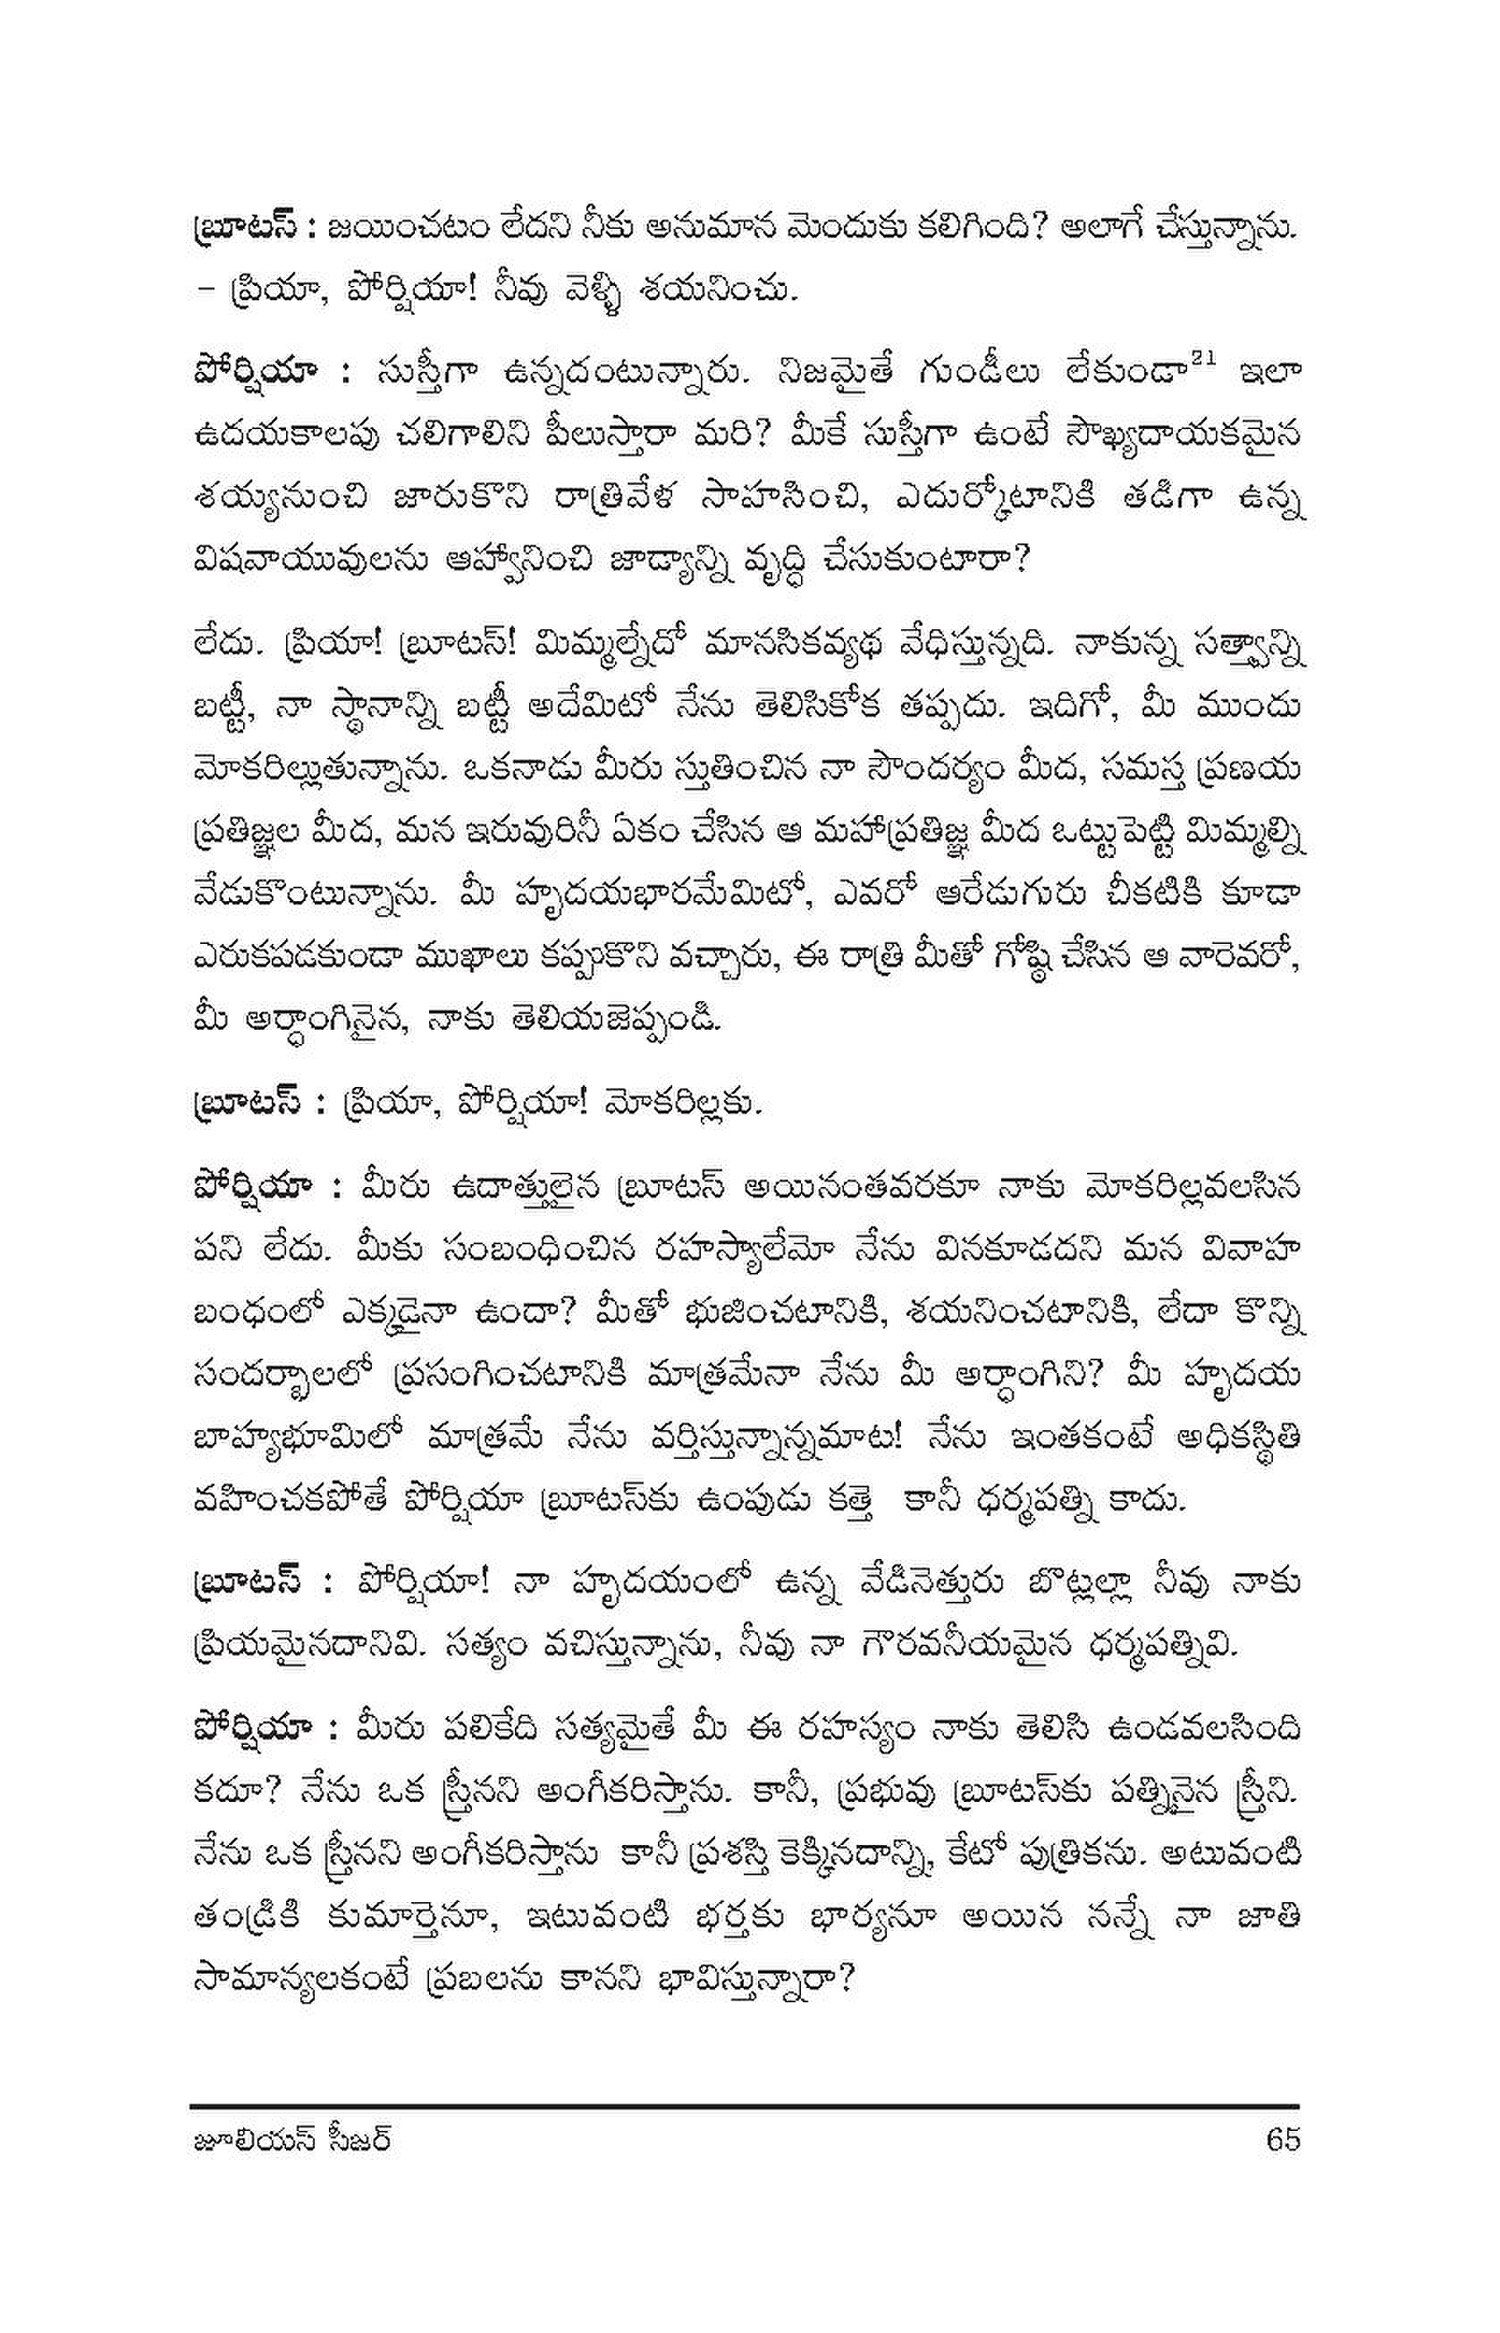బ్రూటస్ : జయించటం లేదని నీకు అనుమాన మెందుకు కలిగింది? అలాగే చేస్తున్నాను.- ప్రియా, పోర్షియా! నీవు వెళ్ళి శయనించు.

పోర్షియా : సుస్తీగా ఉన్నదంటున్నారు. నిజమైతే గుండీలు లేకుండా ?' ఇలా ఉదయకాలపు చలిగాలిని పీలుస్తారా మరి? మీకే సుస్తీగా ఉంటే సౌఖ్యదాయకమైన శయ్యనుంచి జారుకొని రాత్రివేళ సాహసించి, ఎదుర్కోటానికి తడిగా ఉన్న
విషవాయువులను ఆహ్వానించి జాడ్యాన్ని వృద్ధి చేసుకుంటారా?

లేదు. ప్రియా! బ్రూటస్! మిమ్మల్నేదో మానసిక వ్యథ వేధిస్తున్నది. నాకున్న సత్త్వాన్ని బట్టీ, నా స్థానాన్ని బట్టీ అదేమిటో నేను తెలిసికోక తప్పదు. ఇదిగో, మీ ముందు మోకరిల్లుతున్నాను. ఒకనాడు మీరు స్తుతించిన నా సౌందర్యం మీద, సమస్త ప్రణయ ప్రతిజ్ఞల మీద, మన ఇరువురినీ ఏకం చేసిన ఆ మహాప్రతిజ్ఞ మీద ఒట్టుపెట్టి మిమ్మల్ని వేడుకొంటున్నాను. మీ హృదయభారమేమిటో, ఎవరో ఆరేడుగురు చీకటికి కూడా ఎరుకపడకుండా ముఖాలు కప్పుకొని వచ్చారు, ఈ రాత్రి మీతో గోష్ఠి చేసిన ఆ నారెవరో, మీ అర్ధాంగినైన, నాకు తెలియజెప్పండి.

బ్రూటస్ : ప్రియా, పోర్షియా! మోకరిల్లకు.

పోర్షియా : మీరు ఉదాత్తులైన బ్రూటస్ అయినంతవరకూ నాకు మోకరిల్లవలసిన పని లేదు. మీకు సంబంధించిన రహస్యాలేమో నేను వినకూడదని మన వివాహబంధంలో ఎక్కడైనా ఉందా? మీతో భుజించటానికి, శయనించటానికి, లేదా కొన్ని సందర్భాలలో ప్రసంగించటానికి మాత్రమేనా నేను మీ అర్ధాంగిని? మీ హృదయ బాహ్యభూమిలో మాత్రమే నేను వర్తిస్తున్నాన్నమాట! నేను ఇంతకంటే అధికస్థితి వహించకపోతే పోర్షియా బ్రూటస్ కు ఉంపుడు కత్తె కానీ ధర్మపత్ని కాదు.

బ్రూటస్ : పోర్షియా! నా హృదయంలో ఉన్న వేడినెత్తురు బొట్లల్లా నీవు నాకు ప్రియమైనదానివి. సత్యం వచిస్తున్నాను, నీవు నా గౌరవనీయమైన ధర్మపత్నివి.

పోర్షియా : మీరు పలికేది సత్యమైతే మీ ఈ రహస్యం నాకు తెలిసి ఉండవలసింది కదూ? నేను ఒక స్త్రీనని అంగీకరిస్తాను. కానీ, ప్రభువు బ్రూటస్ కు పత్నినైన స్త్రీని. నేను ఒక స్త్రీనని అంగీకరిస్తాను కానీ ప్రశస్తి కెక్కినదాన్ని, కేటో పుత్రికను. అటువంటి తండ్రికి కుమార్తెనూ, ఇటువంటి భర్తకు భార్యనూ అయిన నన్నే నా జాతి సామాన్యలకంటే ప్రబలను కానని భావిస్తున్నారా?